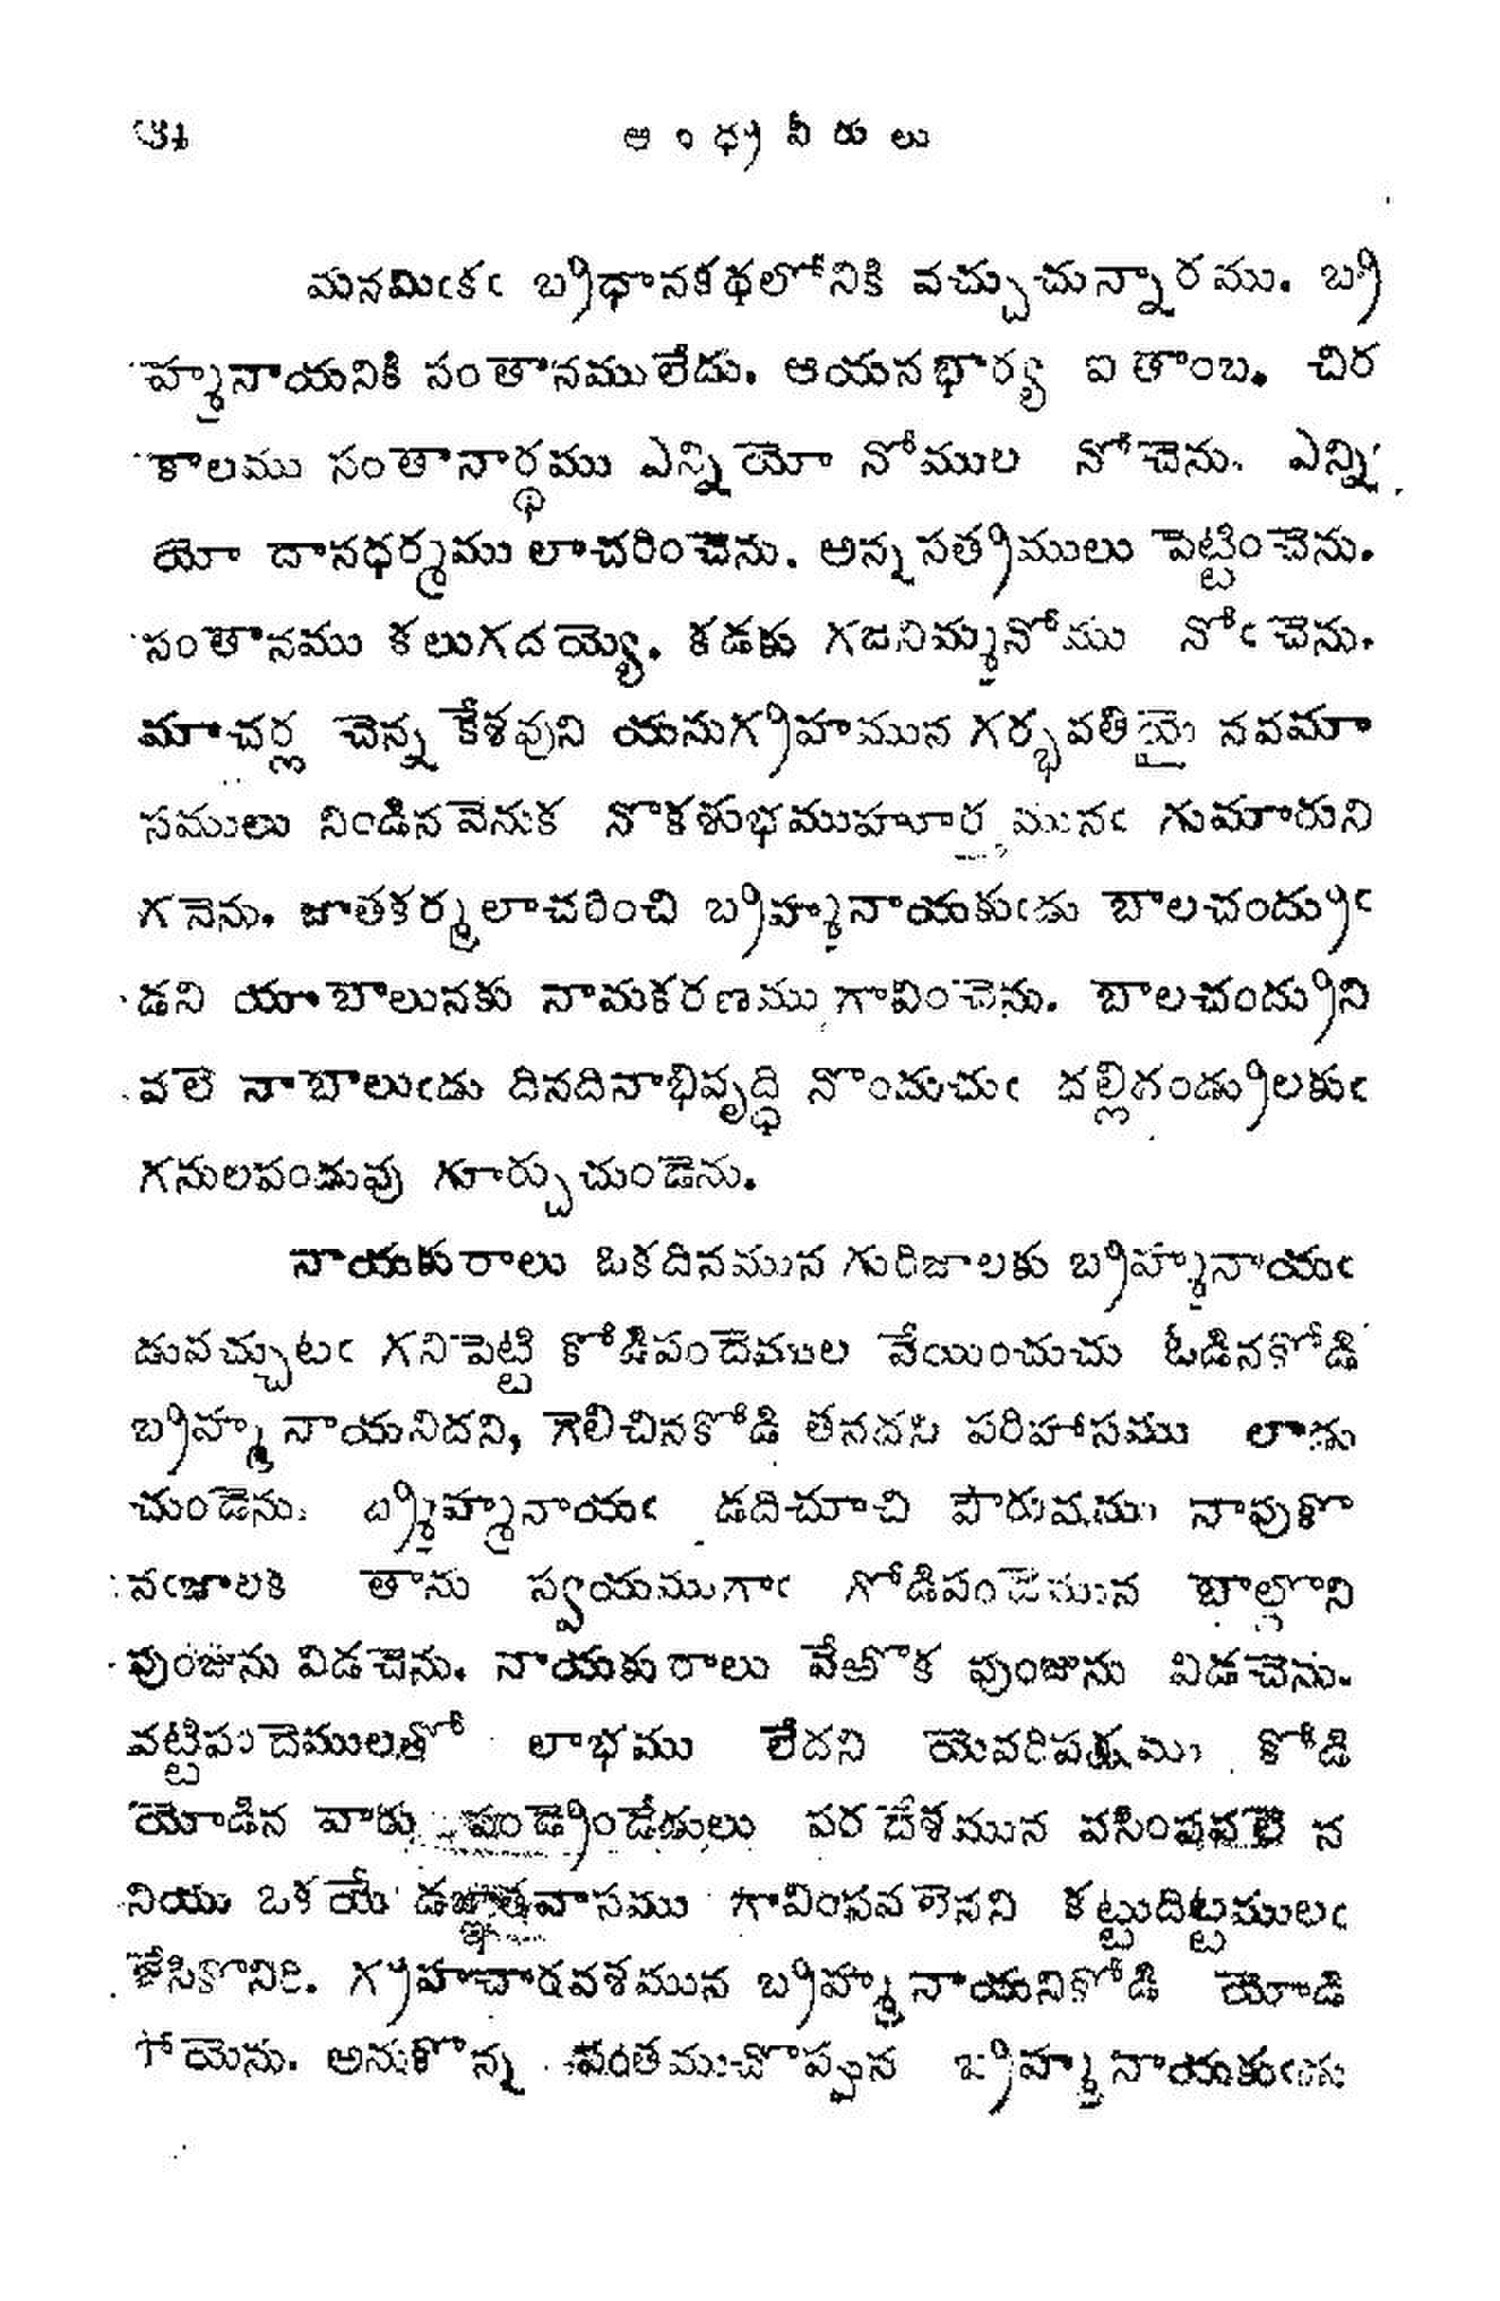మనమిక బ్రధానకథలోనికి వచ్చుచున్నారము. బ్రహ్మనాయనికి సంతానము లేదు. ఆయనభార్య ఐతాంబ. చిరకాలము సంతానార్థము ఎన్నియో నోములు నోచెను. ఎన్నియో ధానధర్మము లాచరించెను. అన్నసత్రములు పెట్టించెను. సంతానము కలుగదయ్యె. కడకు గజనిమ్మనోము నోచెను. మాచర్ల చెన్నకేశవుని యనుగ్రహమున గర్భవతియై నవమాసములు నిండినవెనుక నొకశుభముహూర్తమున గుమారుని గనెను. జాతకర్మలాచరించి బ్రహ్మనాయకుడు బాలచంద్రుడని యాబాలునకు నామకరణము గావించెను. బాలచంద్రుని వలె నా బాలుడు దినదినాభివృద్ధి నొందుచు దల్లితండ్రులకు గనులపండువు గూర్చుచుండెను.

నాయకురాలు ఒకదినమున గురిజాలకు బ్రహ్మనాయడువచ్చుట గనిపెట్టి కోడిపందెముల వేయించుచు ఓడినకోడి బ్రహ్మనాయనిదని, గెలిచినకోడి తనదని పరిహాసము లాడుచుండెను.. బ్రహ్మనాయ డదిచూచి పౌరుషము నాపుకొనజాలక తాను స్వయముగా గోడిపందెమున బాల్గొని పుంజును విడచెను. నాయకురాలు వేఱొక పుంజును విడచెను. వట్టిపందెములతో లాభము లేదని యెవరిపక్షము కోడి యోడిన వారు పండ్రెండేడులు పరదేశమున వసింపవలె ననియు ఒకయే డజ్ఞాతవాసము గావింపవలెనని కట్టుదిట్టముల జేసికొనిరి. గ్రహచారవశమున బ్రహ్మనాయనికోడి యోడిపోయెను. అనుకొన్న పంతముచొప్పున బ్రహ్మనాయకుడు